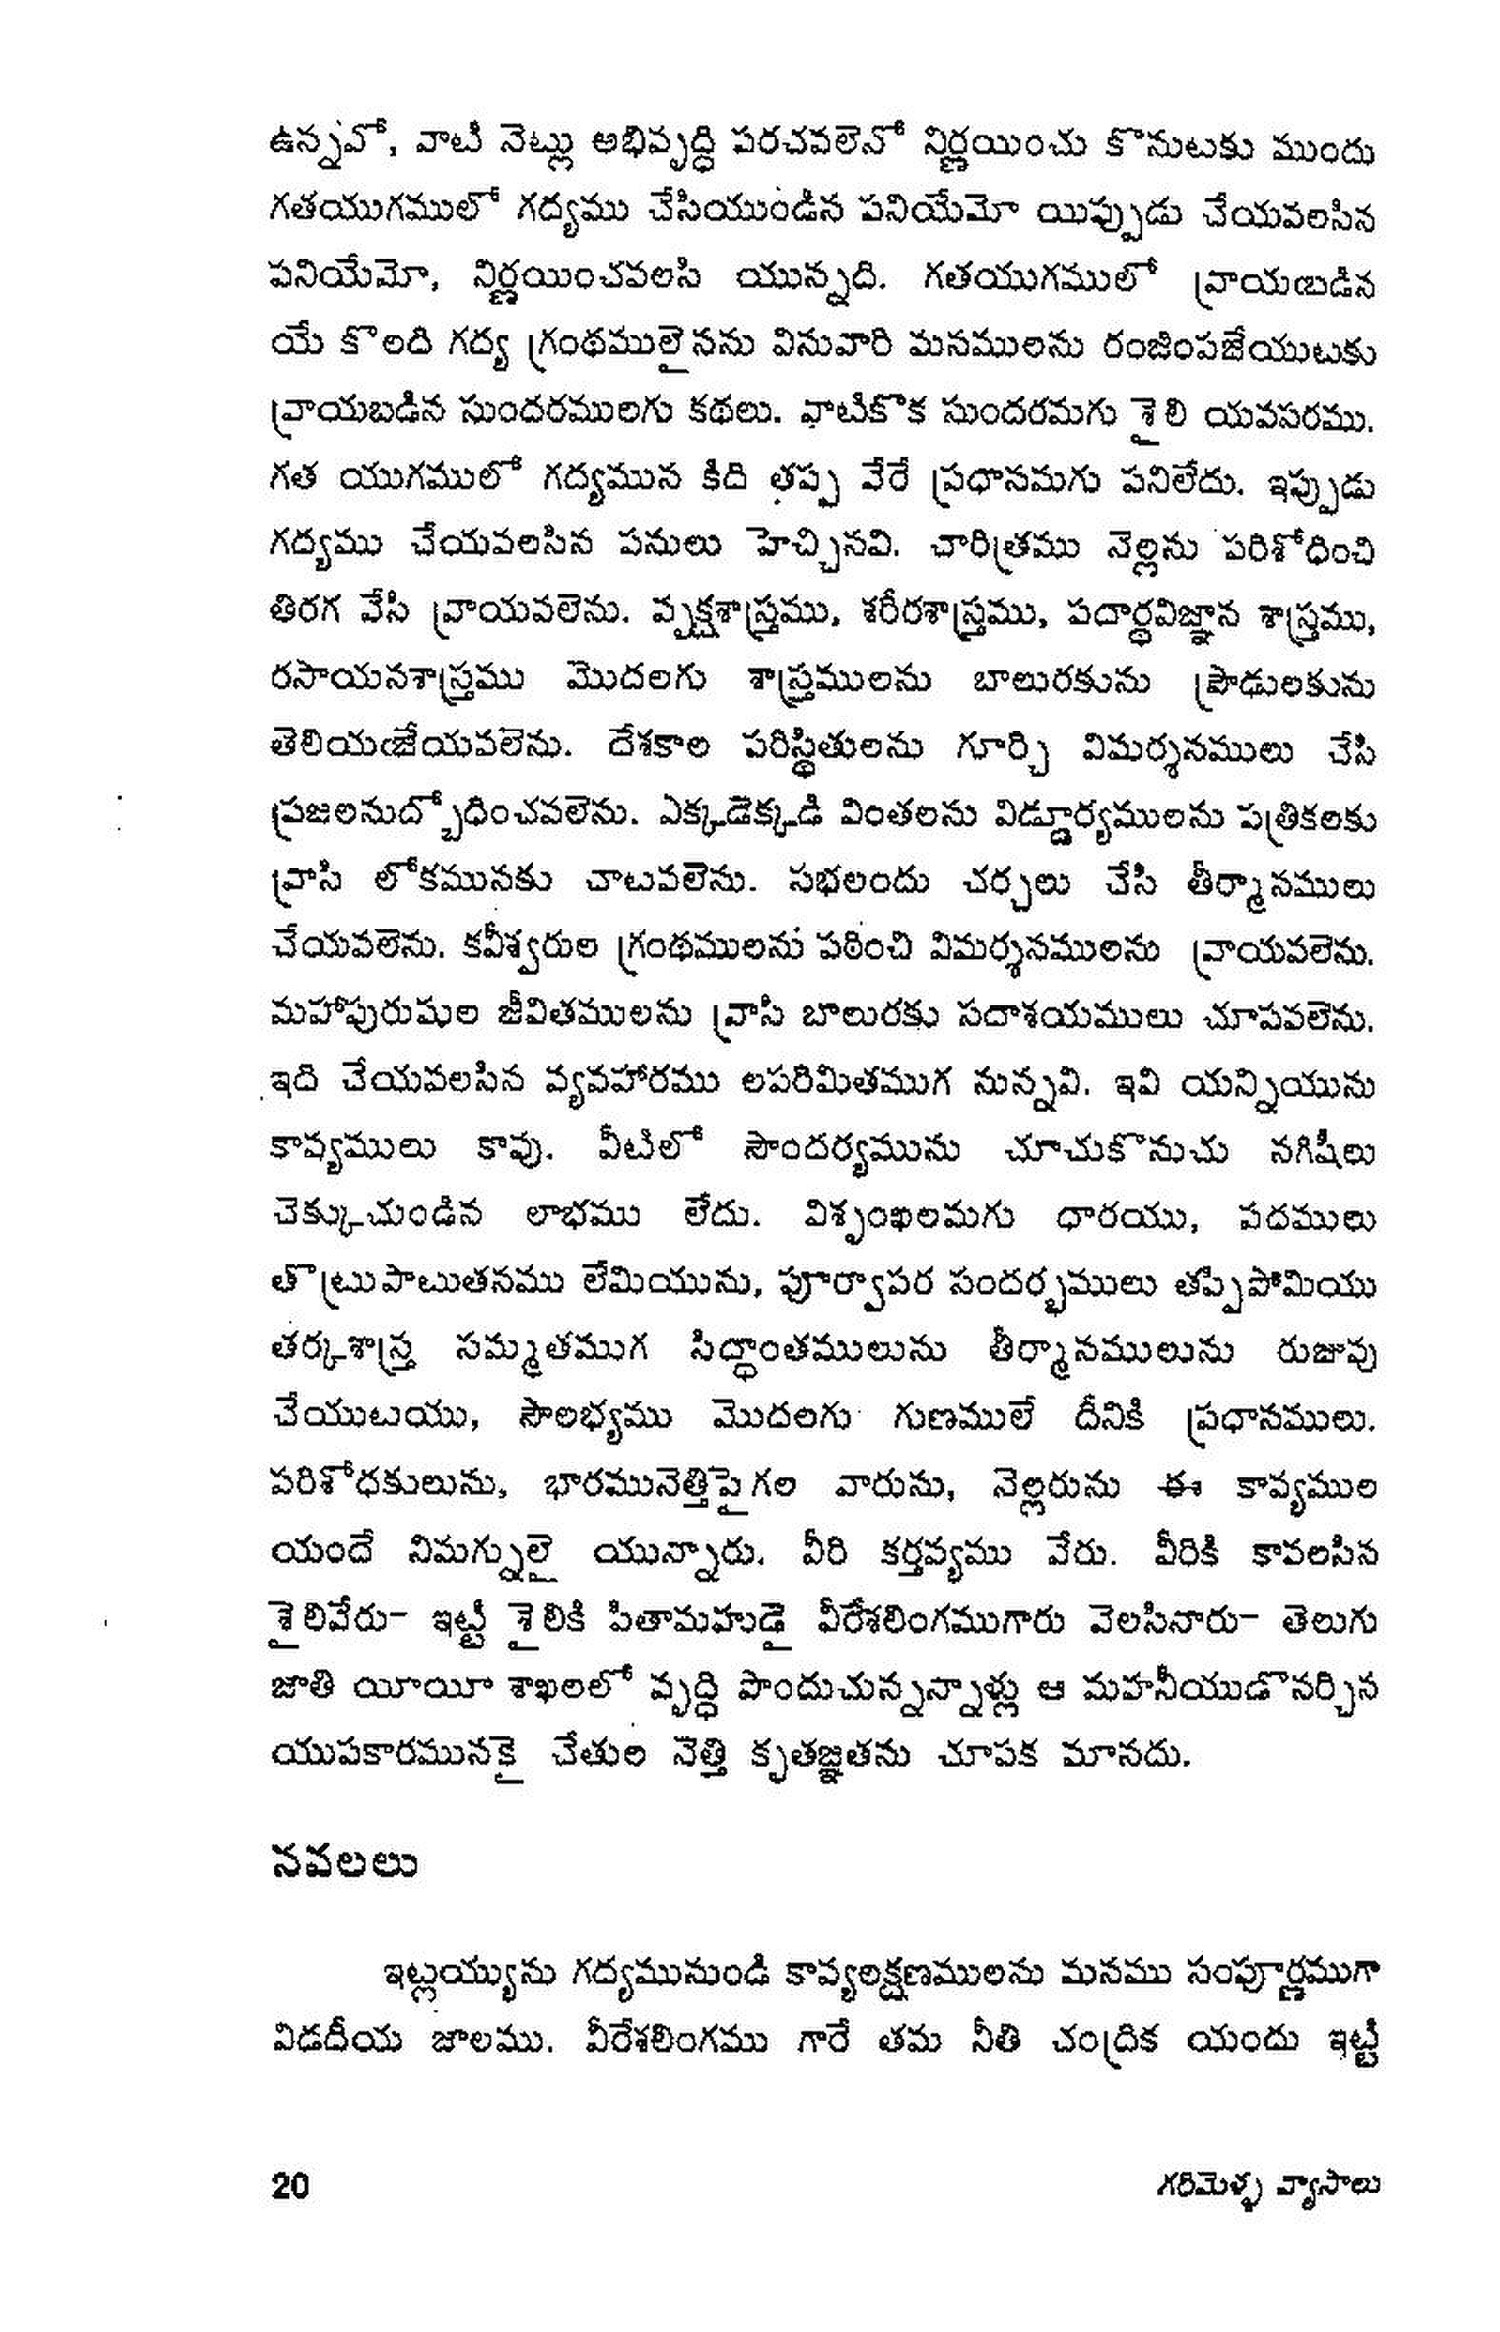ఉన్నవో, వాటి నెట్లు అభివృద్ధి పరచవలెనో నిర్ణయించు కొనుటకు ముందు గతయుగములో గద్యము చేసియుండిన పనియేమో యిప్పుడు చేయవలసిన పనియేమో, నిర్ణయించవలసి యున్నది. గతయుగములో వ్రాయఁబడిన యే కొలది గద్య గ్రంథములైనను వినువారి మనములను రంజింపజేయుటకు వ్రాయబడిన సుందరములగు కథలు, వాటికొక సుందరమగు శైలి యవసరము. గత యుగములో గద్యమున కిది తప్ప వేరే ప్రధానమగు పనిలేదు. ఇప్పుడు గద్యము చేయవలసిన పనులు హెచ్చినవి. చారిత్రము నెల్లను పరిశోధించి తిరగ వేసి వ్రాయవలెను. వృక్షశాస్త్రము, శరీరశాస్త్రము, పదార్థవిజ్ఞాన శాస్త్రము, రసాయనశాస్త్రము మొదలగు శాస్త్రములను బాలురకును ఫ్రౌఢులకును తెలియఁజేయవలెను. దేశకాల పరిస్థితులను గూర్చి విమర్శనములు చేసి ప్రజలనుద్బోధించవలెను. ఎక్కడెక్కడి వింతలను విడ్డూర్యములను పత్రికలకు వ్రాసి లోకమునకు చాటవలెను. సభలందు చర్చలు చేసి తీర్మానములు చేయవలెను. కవీశ్వరుల గ్రంథములను పఠించి విమర్శనములను వ్రాయవలెను. మహాపురుషుల జీవితములను వ్రాసి బాలురకు సదాశయములు చూపవలెను. ఇది చేయవలసిన వ్యవహారము లపరిమితముగ నున్నవి. ఇవి యన్నియును కావ్యములు కావు. వీటిలో సౌందర్యమును చూచుకొనుచు నగిషీలు చెక్కుచుండిన లాభము లేదు. విశృంఖలమగు ధారయు, పదములు తొట్రుపాటుతనము లేమియును, పూర్వాపర సందర్భములు తప్పిపోమియు తర్కశాస్త్ర సమ్మతముగ సిద్ధాంతములును తీర్మానములును రుజువు చేయుటయు, సౌలభ్యము మొదలగు గుణములే దీనికి ప్రధానములు. పరిశోధకులును, భారమునెత్తిపైగల వారును, నెల్లరును ఈ కావ్యముల యందే నిమగ్నులై యున్నారు. వీరి కర్తవ్యము వేరు. వీరికి కావలసిన శైలివేరు - ఇట్టి శైలికి పితామహుడై వీరేశలింగముగారు వెలసినారు. తెలుగు జాతి యీయీ శాఖలలో వృద్ధి పొందుచున్నన్నాళ్లు ఆ మహనీయుడొనర్చిన యుపకారమునకై చేతుల నెత్తి కృతజ్ఞతను చూపక మానదు.

నవలలు
 
ఇట్లయ్యును గద్యమునుండి కావ్యలక్షణములను మనము సంపూర్ణముగా విడదీయ జాలము. వీరేశలింగము గారే తమ నీతి చంద్రిక యందు ఇట్టి